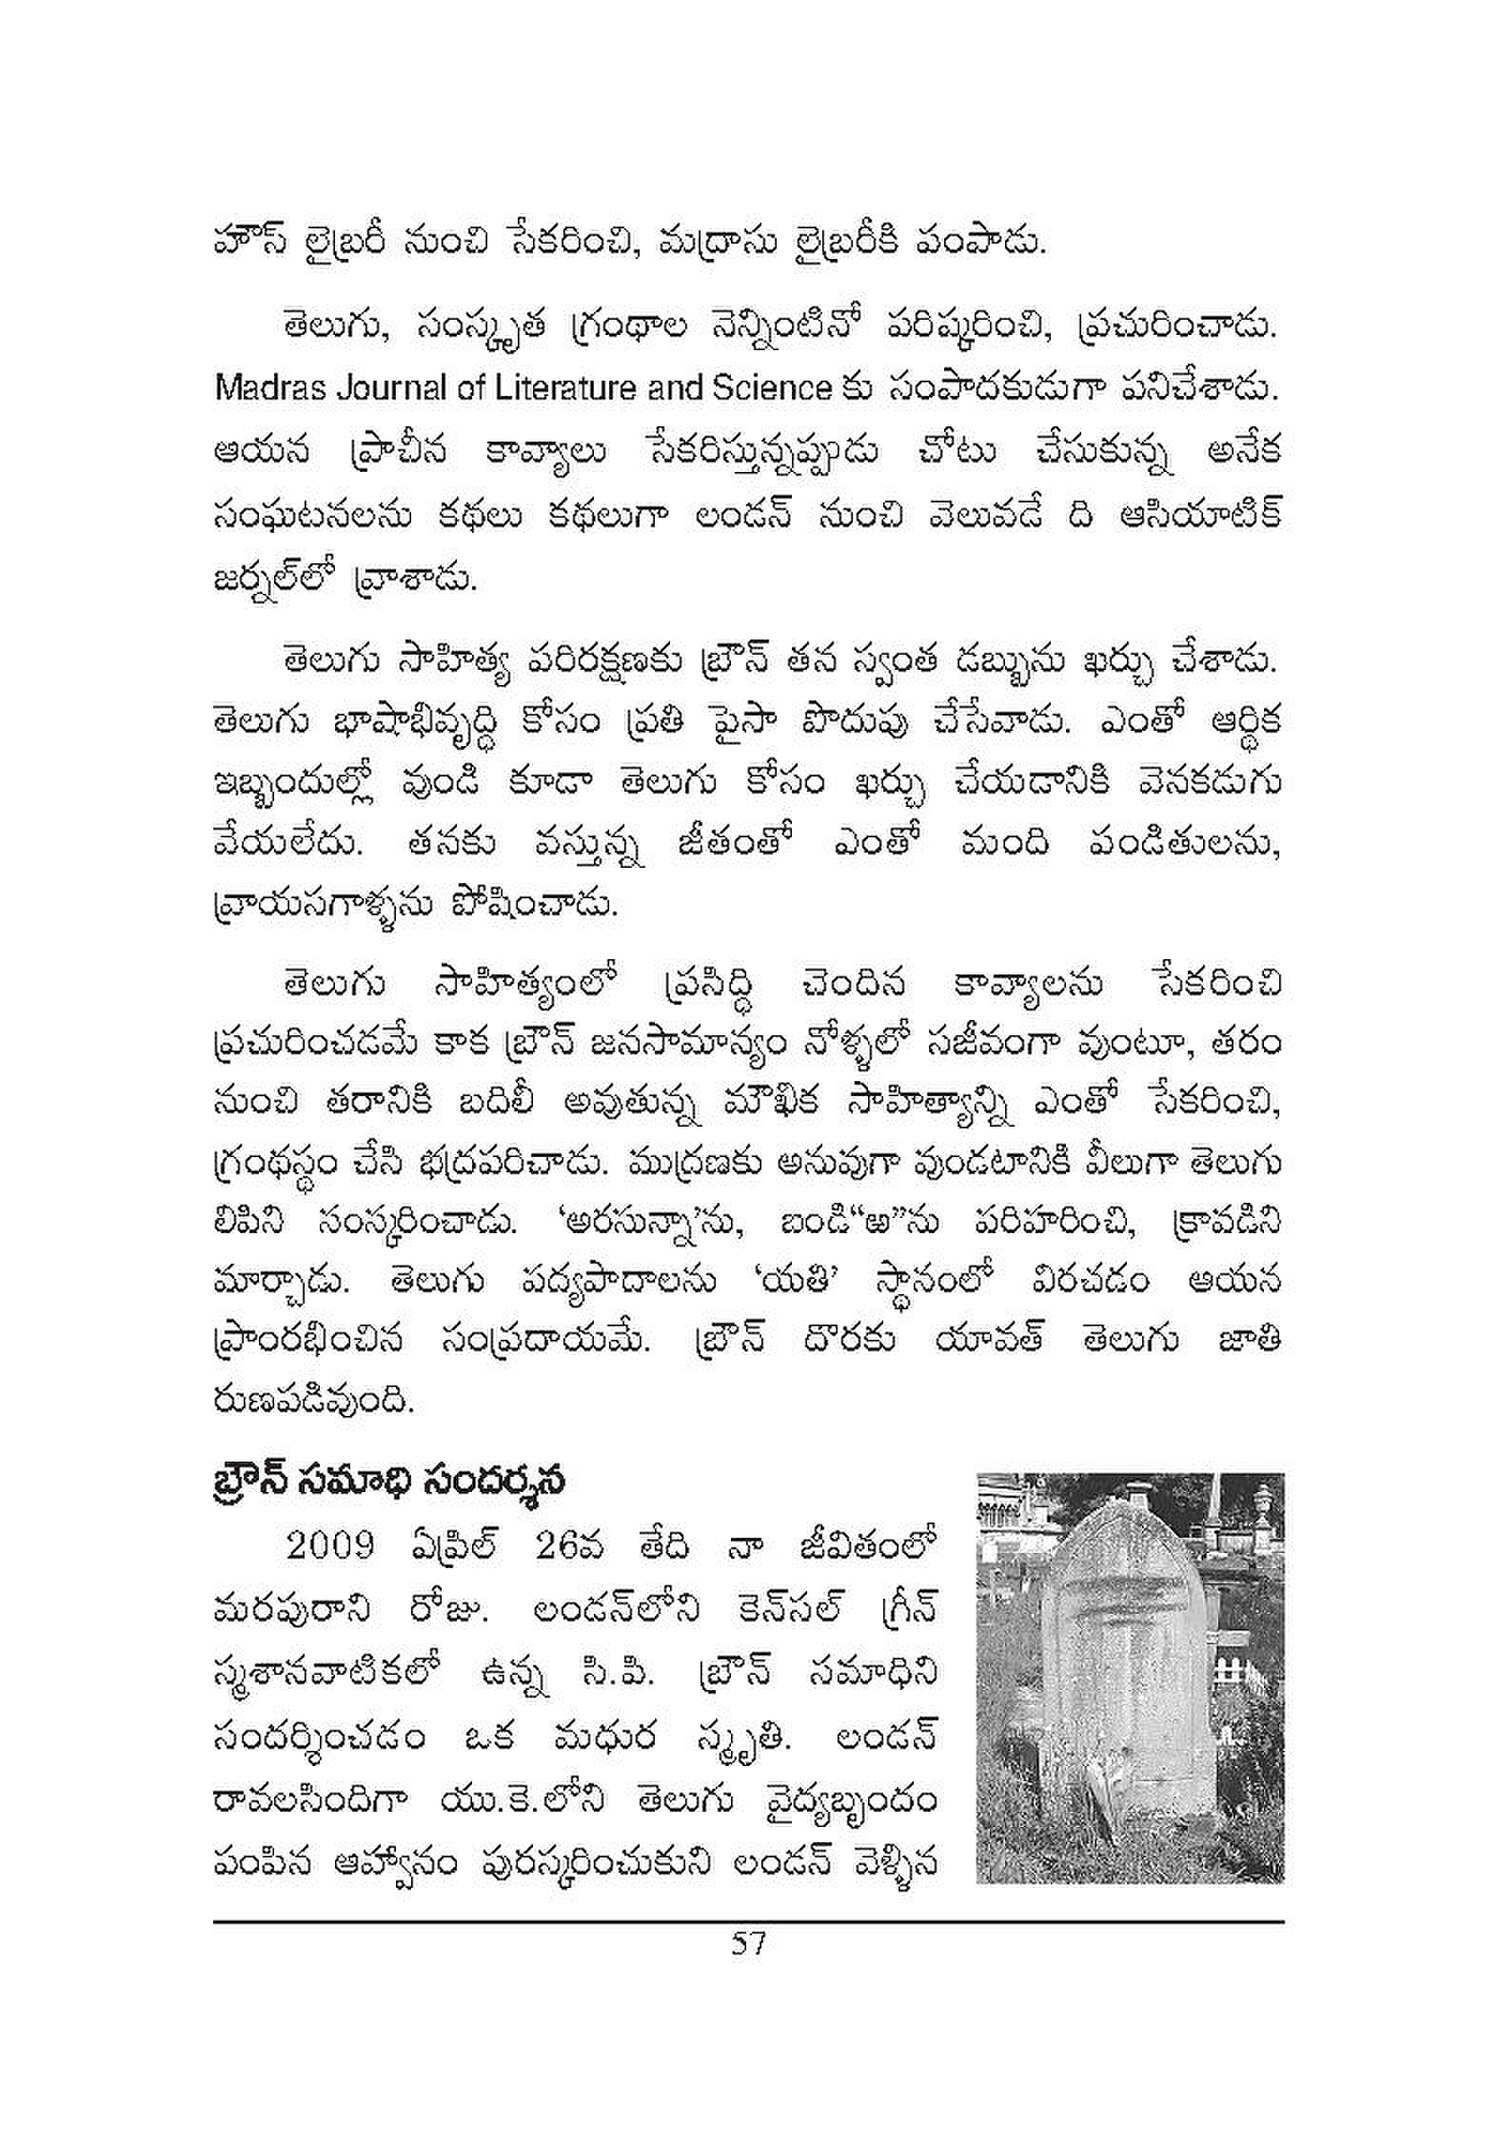హౌస్ లైబ్రరీ నుంచి సేకరించి, మద్రాసు లైబ్రరీకి పంపాడు.

తెలుగు, సంస్కృత గ్రంథాల నెన్నింటినో పరిష్కరించి, ప్రచురించాడు. Madras Journal of Literature and Science కు సంపాదకుడుగా పనిచేశాడు. ఆయన ప్రాచీన కావ్యాలు సేకరిస్తున్నప్పుడు చోటు చేసుకున్న అనేక సంఘటనలను కథలు కథలుగా లండన్ నుంచి వెలువడే ది ఆసియాటిక్ జర్నల్లో వ్రాశాడు.

తెలుగు సాహిత్య పరిరక్షణకు బ్రౌన్ తన స్వంత డబ్బును ఖర్చు చేశాడు. తెలుగు భాషాభివృద్ధి కోసం ప్రతి పైసా పొదుపు చేసేవాడు. ఎంతో ఆర్థిక ఇబ్బందుల్లో వుండి కూడా తెలుగు కోసం ఖర్చు చేయడానికి వెనకడుగు వేయలేదు. తనకు వస్తున్న జీతంతో ఎంతో మంది పండితులను, వ్రాయసగాళ్ళను పోషించాడు.

తెలుగు సాహిత్యంలో ప్రసిద్ధి చెందిన కావ్యాలను సేకరించి ప్రచురించడమే కాక బ్రౌన్ జనసామాన్యం నోళ్ళలో సజీవంగా వుంటూ, తరం నుంచి తరానికి బదిలీ అవుతున్న మౌఖిక సాహిత్యాన్ని ఎంతో సేకరించి, గ్రంథస్థం చేసి భద్రపరిచాడు. ముద్రణకు అనువుగా వుండటానికి వీలుగా తెలుగు లిపిని సంస్కరించాడు. 'అరసున్నాను, బండి"ఱ"ను పరిహరించి, క్రావడిని మార్చాడు. తెలుగు పద్యపాదాలను 'యతి' స్థానంలో విరచడం ఆయన ప్రారంభించిన సంప్రదాయమే. బ్రౌన్ దొరకు యావత్ తెలుగు జాతి రుణపడివుంది.

బ్రౌన్ సమాధి సందర్శన

2009 ఏప్రిల్ 26వ తేది నా జీవితంలో మరపురాని రోజు, లండన్లోని కెన్సల్ గ్రీన్ స్మశానవాటికలో ఉన్న సి.పి. బ్రౌన్ సమాధిని సందర్శించడం ఒక మధుర స్మృతి. లండన్ రావలసిందిగా యు.కె.లోని తెలుగు వైద్యబృందం పంపిన ఆహ్వానం పురస్కరించుకుని లండన్ వెళ్ళిన